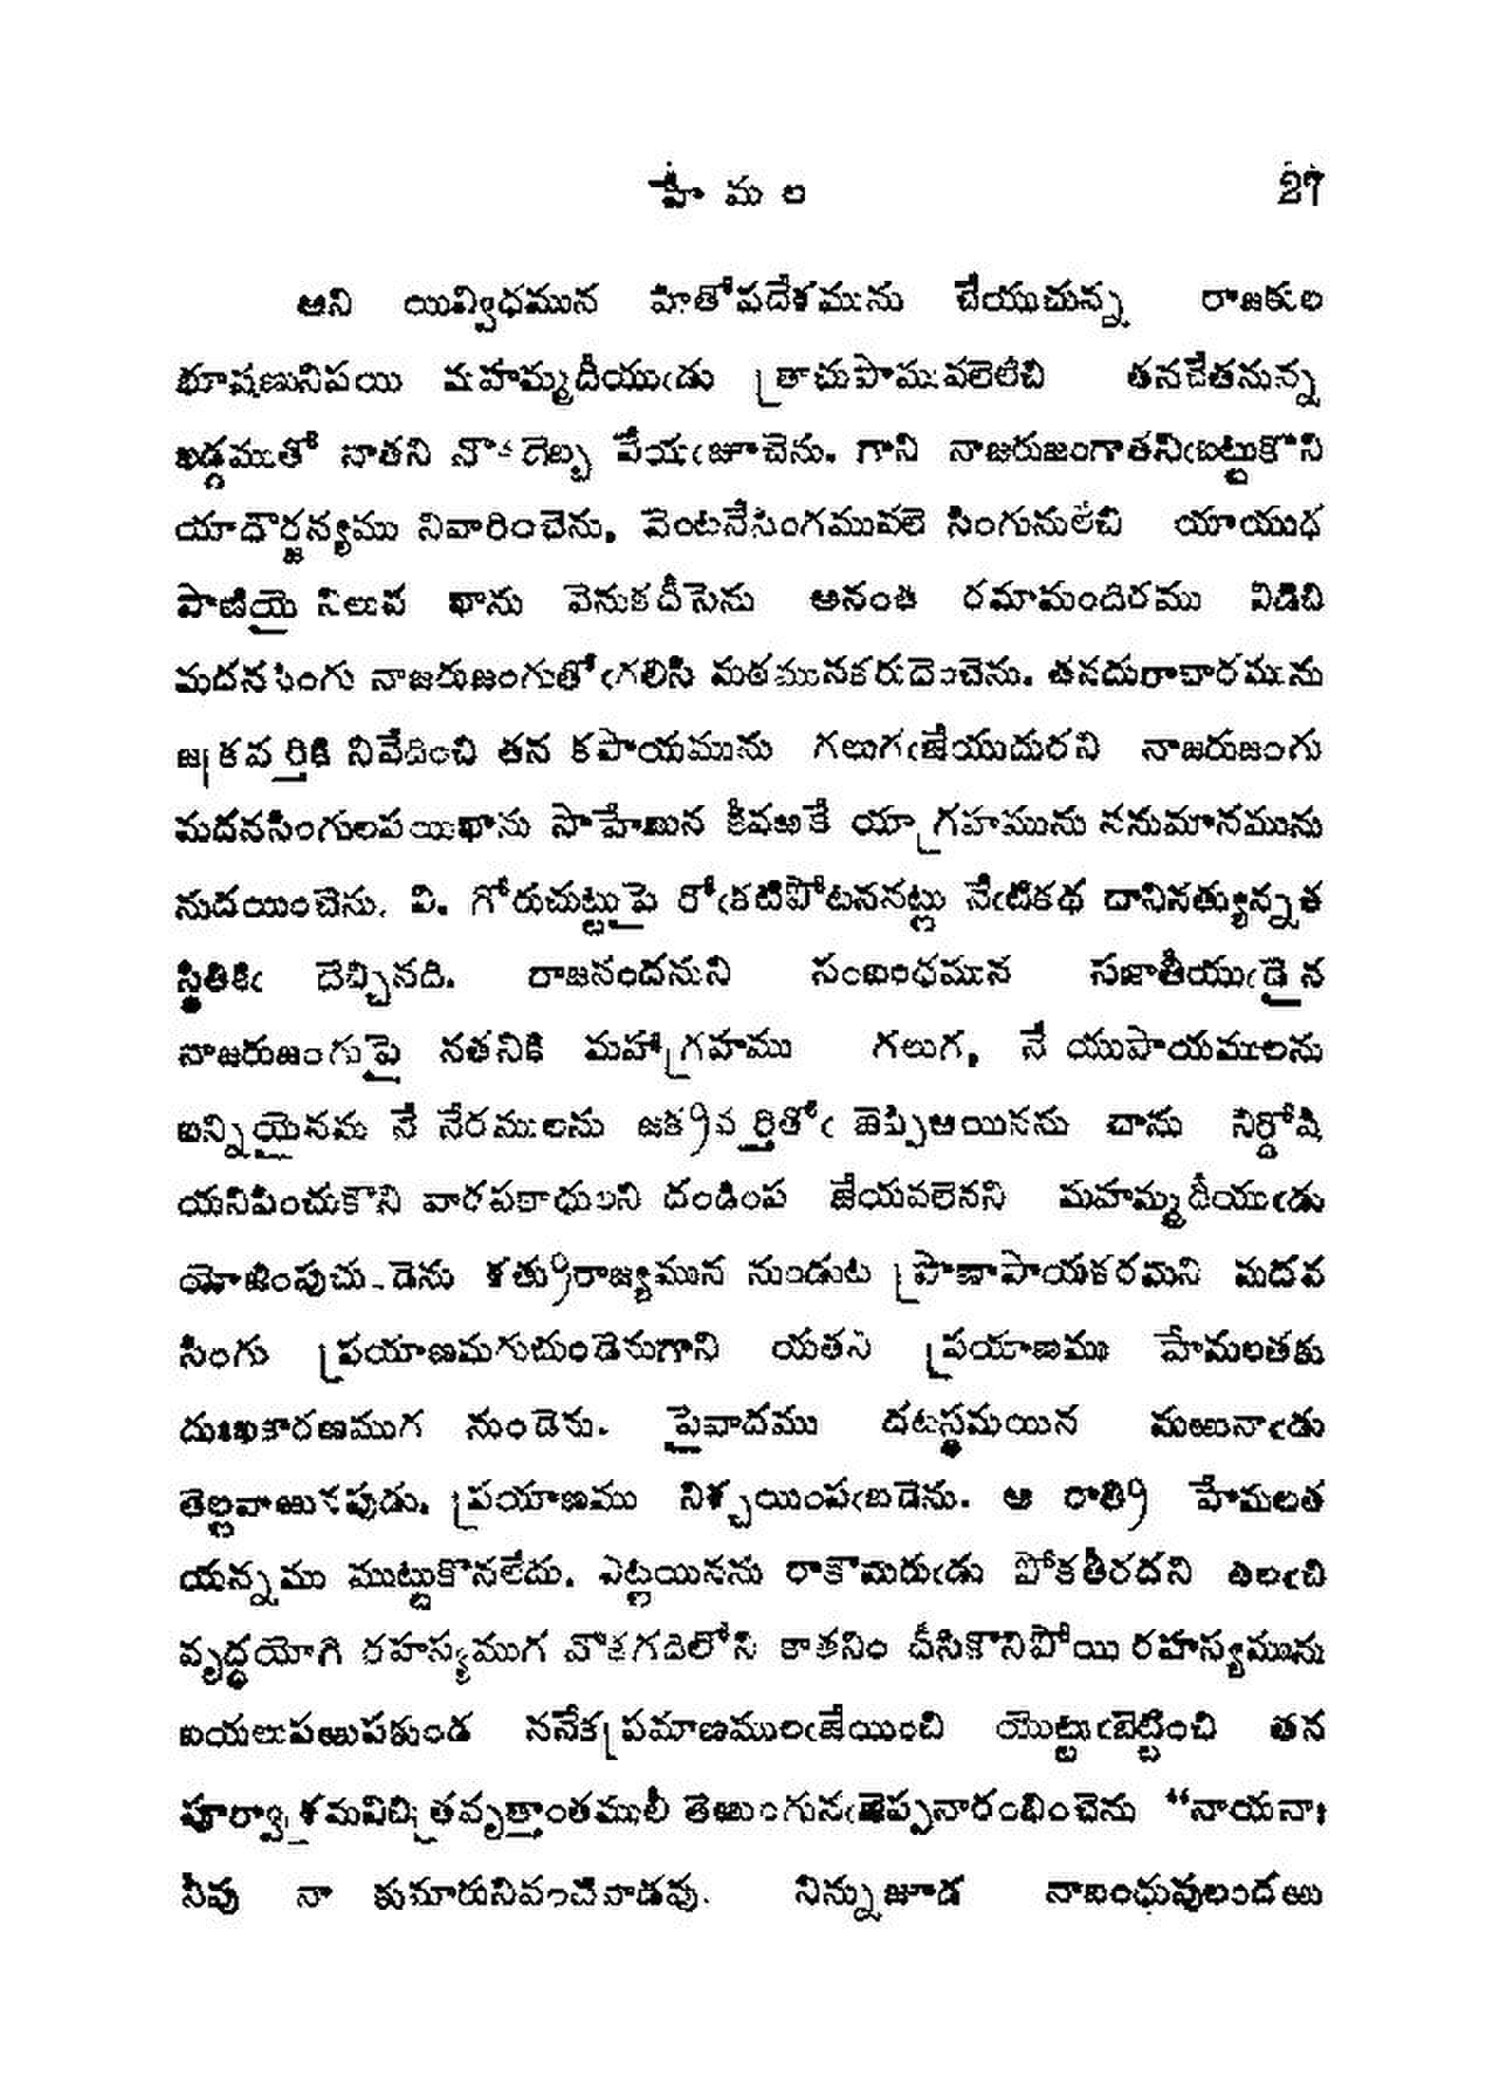అని యివ్విధమున హితోపదేశమును చేయుచున్న రాజకుల భూషణునిపయి మహమ్మదీయుఁడు త్రాచుపామువలెలేచి తనచేతనున్న ఖడ్గముతో నాతని నొకదెబ్బ వేయఁజూచెను గాని నాజరుజంగాతనిఁబట్టుకొని యాదౌర్జన్యము నివారించెను. వెంటనే సింగమువలె సింగునులేచి యాయుధ పాణియై నిలువ ఖాను వెనుకదీసెను. అనంత రమామందిరము విడిచి మదనసింగు నాజరుజంగుతోఁగలిసి మఠమునకరుదెంచెను. తనదురాచారమును జక్రవర్తికి నివేదించి తన కపాయమును గలుగజేయుదురని నాజరుజంగు మదనసింగులపయిఖాను సాహేబున కీవఱకే యాగ్రహమును ననుమానమును నుదయించెను. గోరుచుట్టుపై రోఁకటిపోటననట్లు నేఁటికథ దానినత్యున్నత స్థితికిఁ దెచ్చినది. రాజనందనుని సంబంధమున సజాతీయుఁడైన నాజరుజంగు పై నతనికి మహాగ్రహము గలుగ, నే యుపాయములను బన్నియైనను నే నేరములను జక్రవర్తితోఁ జెప్పిఅయినను తాను నిర్దోషి యనిపించుకొని వారపరాధులని దండింప జేయవలెనని మహమ్మదీయుఁడు యోజింపుచుండెను. శత్రురాజ్యమున నుండుట ప్రాణాపాయకరమని మదనసింగు ప్రయాణమగుచుండెనుగాని యతని ప్రయాణము హేమలతకు దుఃఖకారణముగ నుండెను. పైవాదము దటస్థమయిన మఱునాడు తెల్లవాఱునపుడు, ప్రయాణము నిశ్చయింపఁబడెను. ఆ రాత్రి హేమలత యన్నము ముట్టుకొనలేదు. ఎట్లయినను రాకొమరుఁడు పోకతీరదని తలఁచి వృద్ధయోగి రహస్యముగ వొకగదిలోని కాతనిం దీసికొనిపోయి రహస్యమును బయలుపఱుపకుండ ననేక ప్రమాణములఁజేయించి యొట్టుఁబెట్టించి తన పూర్వాశ్రమవిచిత్రవృత్తాంతములీ తెఱుంగునఁజెప్పనారంభించెను “నాయనా! నీవు నా కుమారునివంటివాడవు. నిన్ను జూడ నాబంధువులందఱు